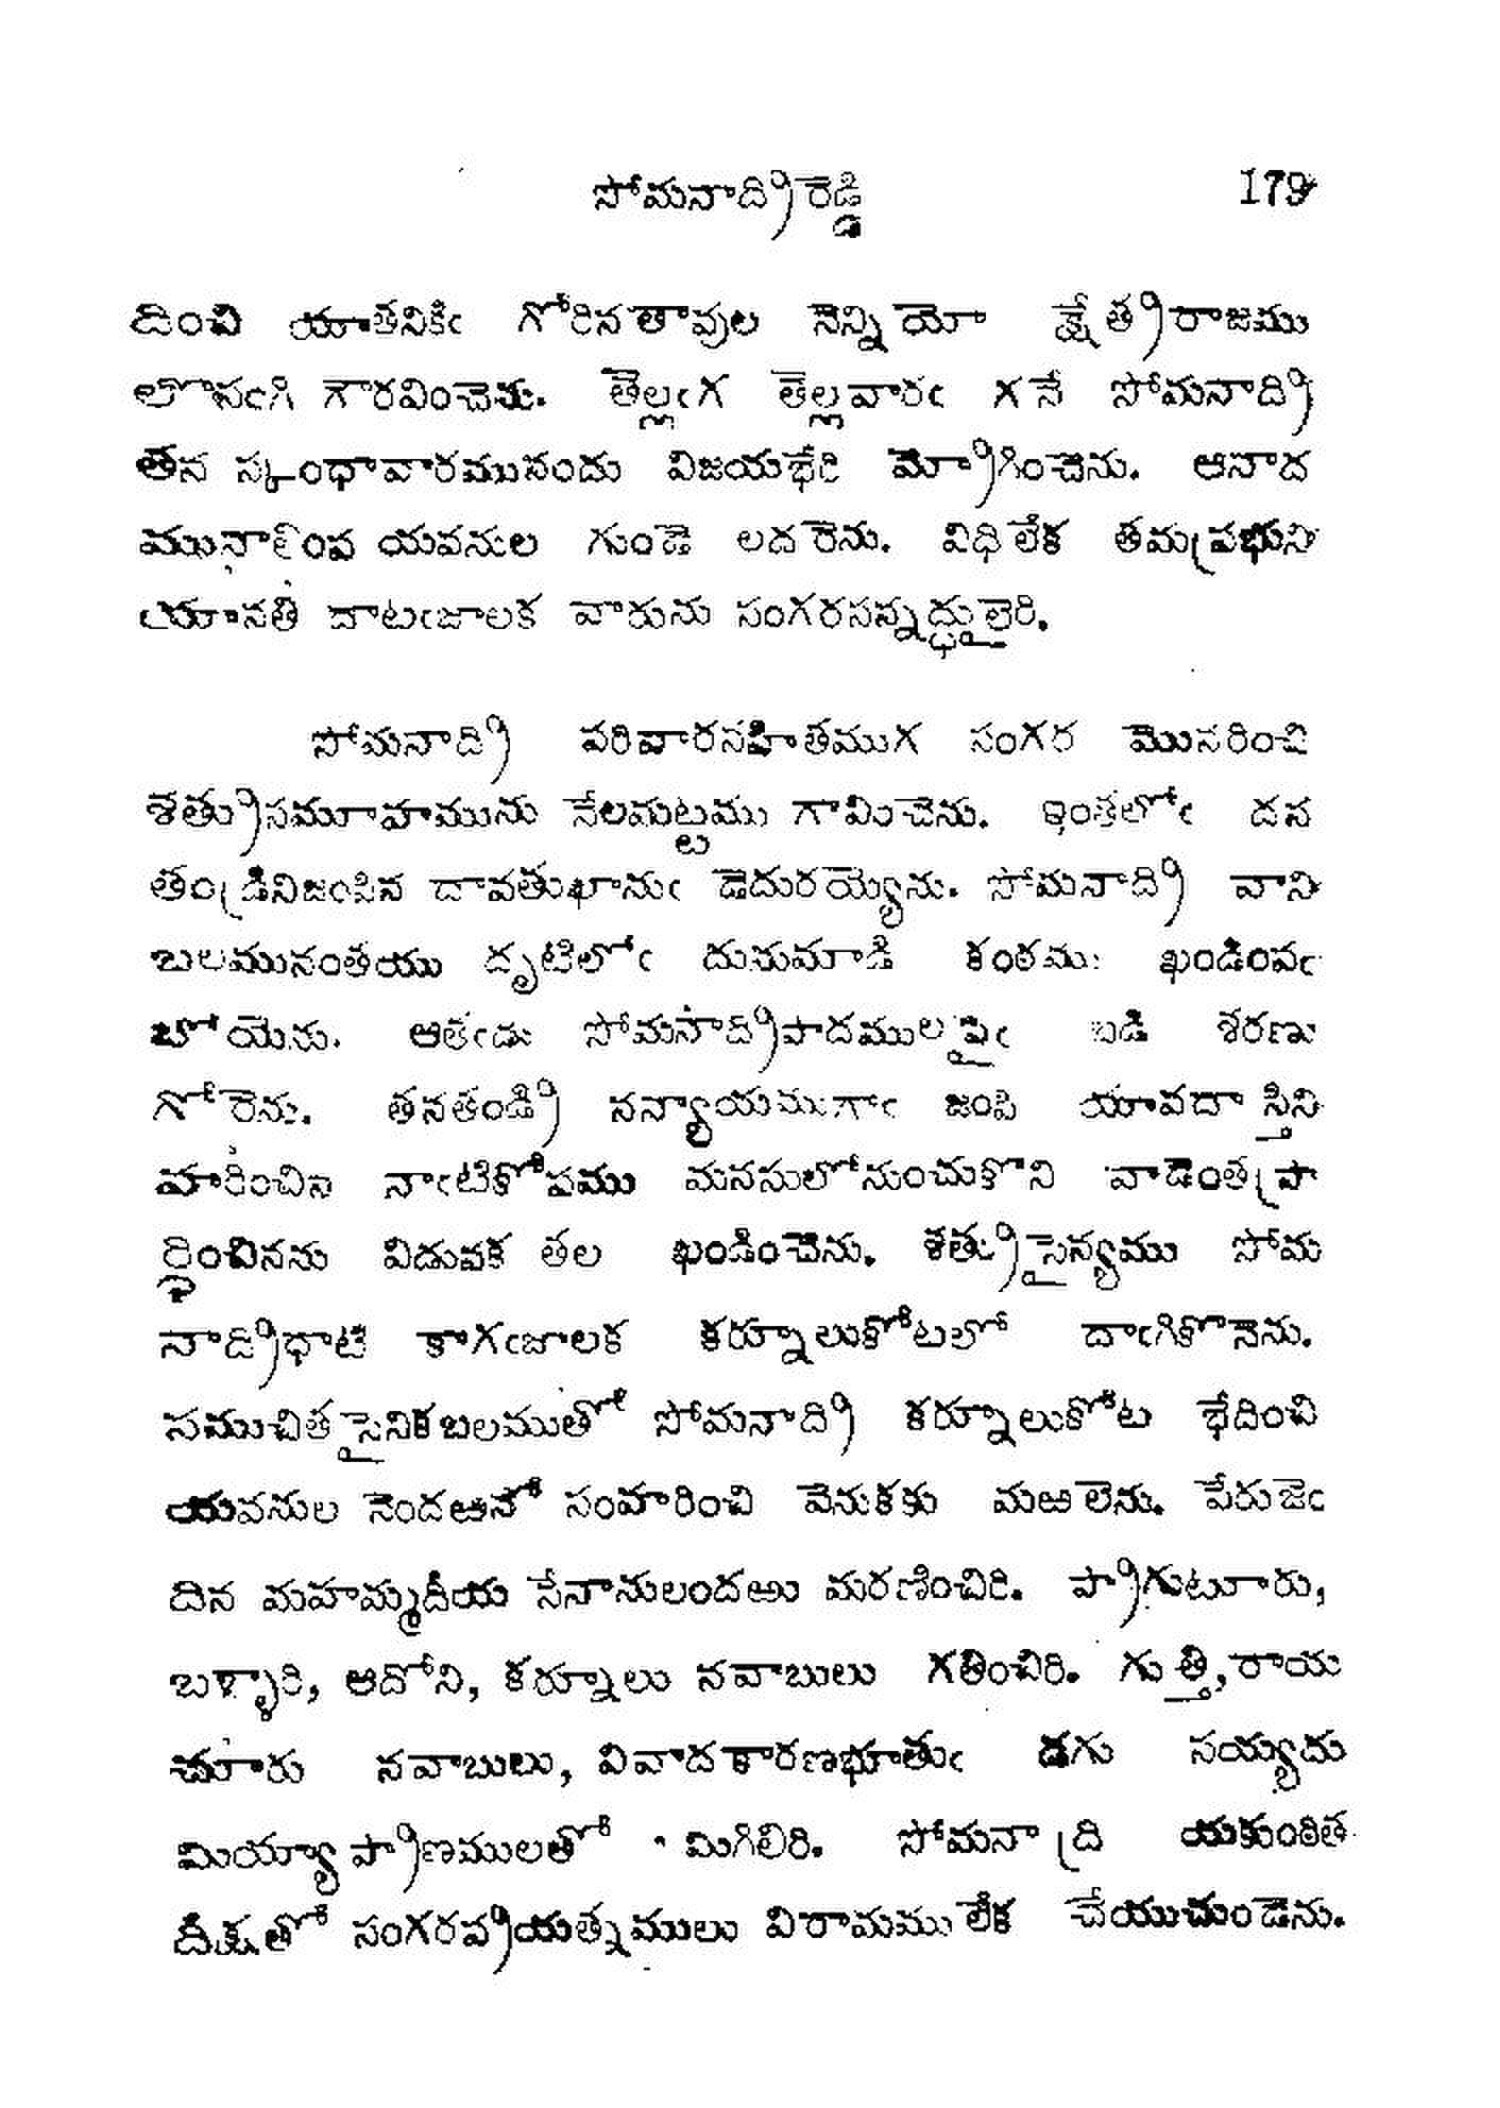దించి యాతనికి గోరినతావుల నెన్నియో క్షేత్రరాజములొసంగి గౌరవించెను. తెల్లగ తెల్లవార గనే సోమనాద్రి తన స్కంధావారమునందు విజయభేరి మ్రోగించెను. ఆనాదమునాలింప యవనుల గుండె లదరెను. విధిలేక తమప్రభువుని యానతి దాటజాలక వారును సంగరసన్నద్ధులైరి.

సొమనాద్రి పరివారసహితముగ సంగర మొనరించి శత్రుసమూహమును నేలమట్టము గావించెను. ఇంతలో దనతండ్రినిజంపిన దావతుఖాను డెదురయ్యెను. సోమనాద్రి వాని బలమునంతయు దృటిలో దునుమాడి కంఠము ఖండింపబోయెను. ఆతడు సోమనాద్రిపాదములపై బడి శరణుగోరెను. తనతండ్రి నన్యాయముగా జంపి యావదాస్తిని హరించిన నాటికోపము మనసులోనుంచుకొని వాడెంతప్రార్థించినను విడువక తల ఖండించెను. శత్రుసైన్యము సోమనాద్రిధాటి కాగజాలక కర్నూలుకోటలో దాగికొనెను. సముచితసైనికబలముతో సోమనాద్రి కర్నూలుకోట భేధించి యవనుల నెందఱనో సంహరించి వెనుకకు మఱలెను. పేరుజెందిన మహమ్మదీయ సేనానులందఱు మరణించిరి. ప్రాగుటూరు, బళ్ళారి, ఆదోని, కర్నూలు నవాబులు గతించిరి. గుత్తి, రాయచూరు నవాబులు, వివాదకారణభూతు డగు సయ్యదమియ్యా ప్రాణములతో మిగిలిరి. సోమనాద్రి యకుంఠిత దీక్షతో సంగరప్రయత్నములు విరామము లేక చేయుచుండెను.